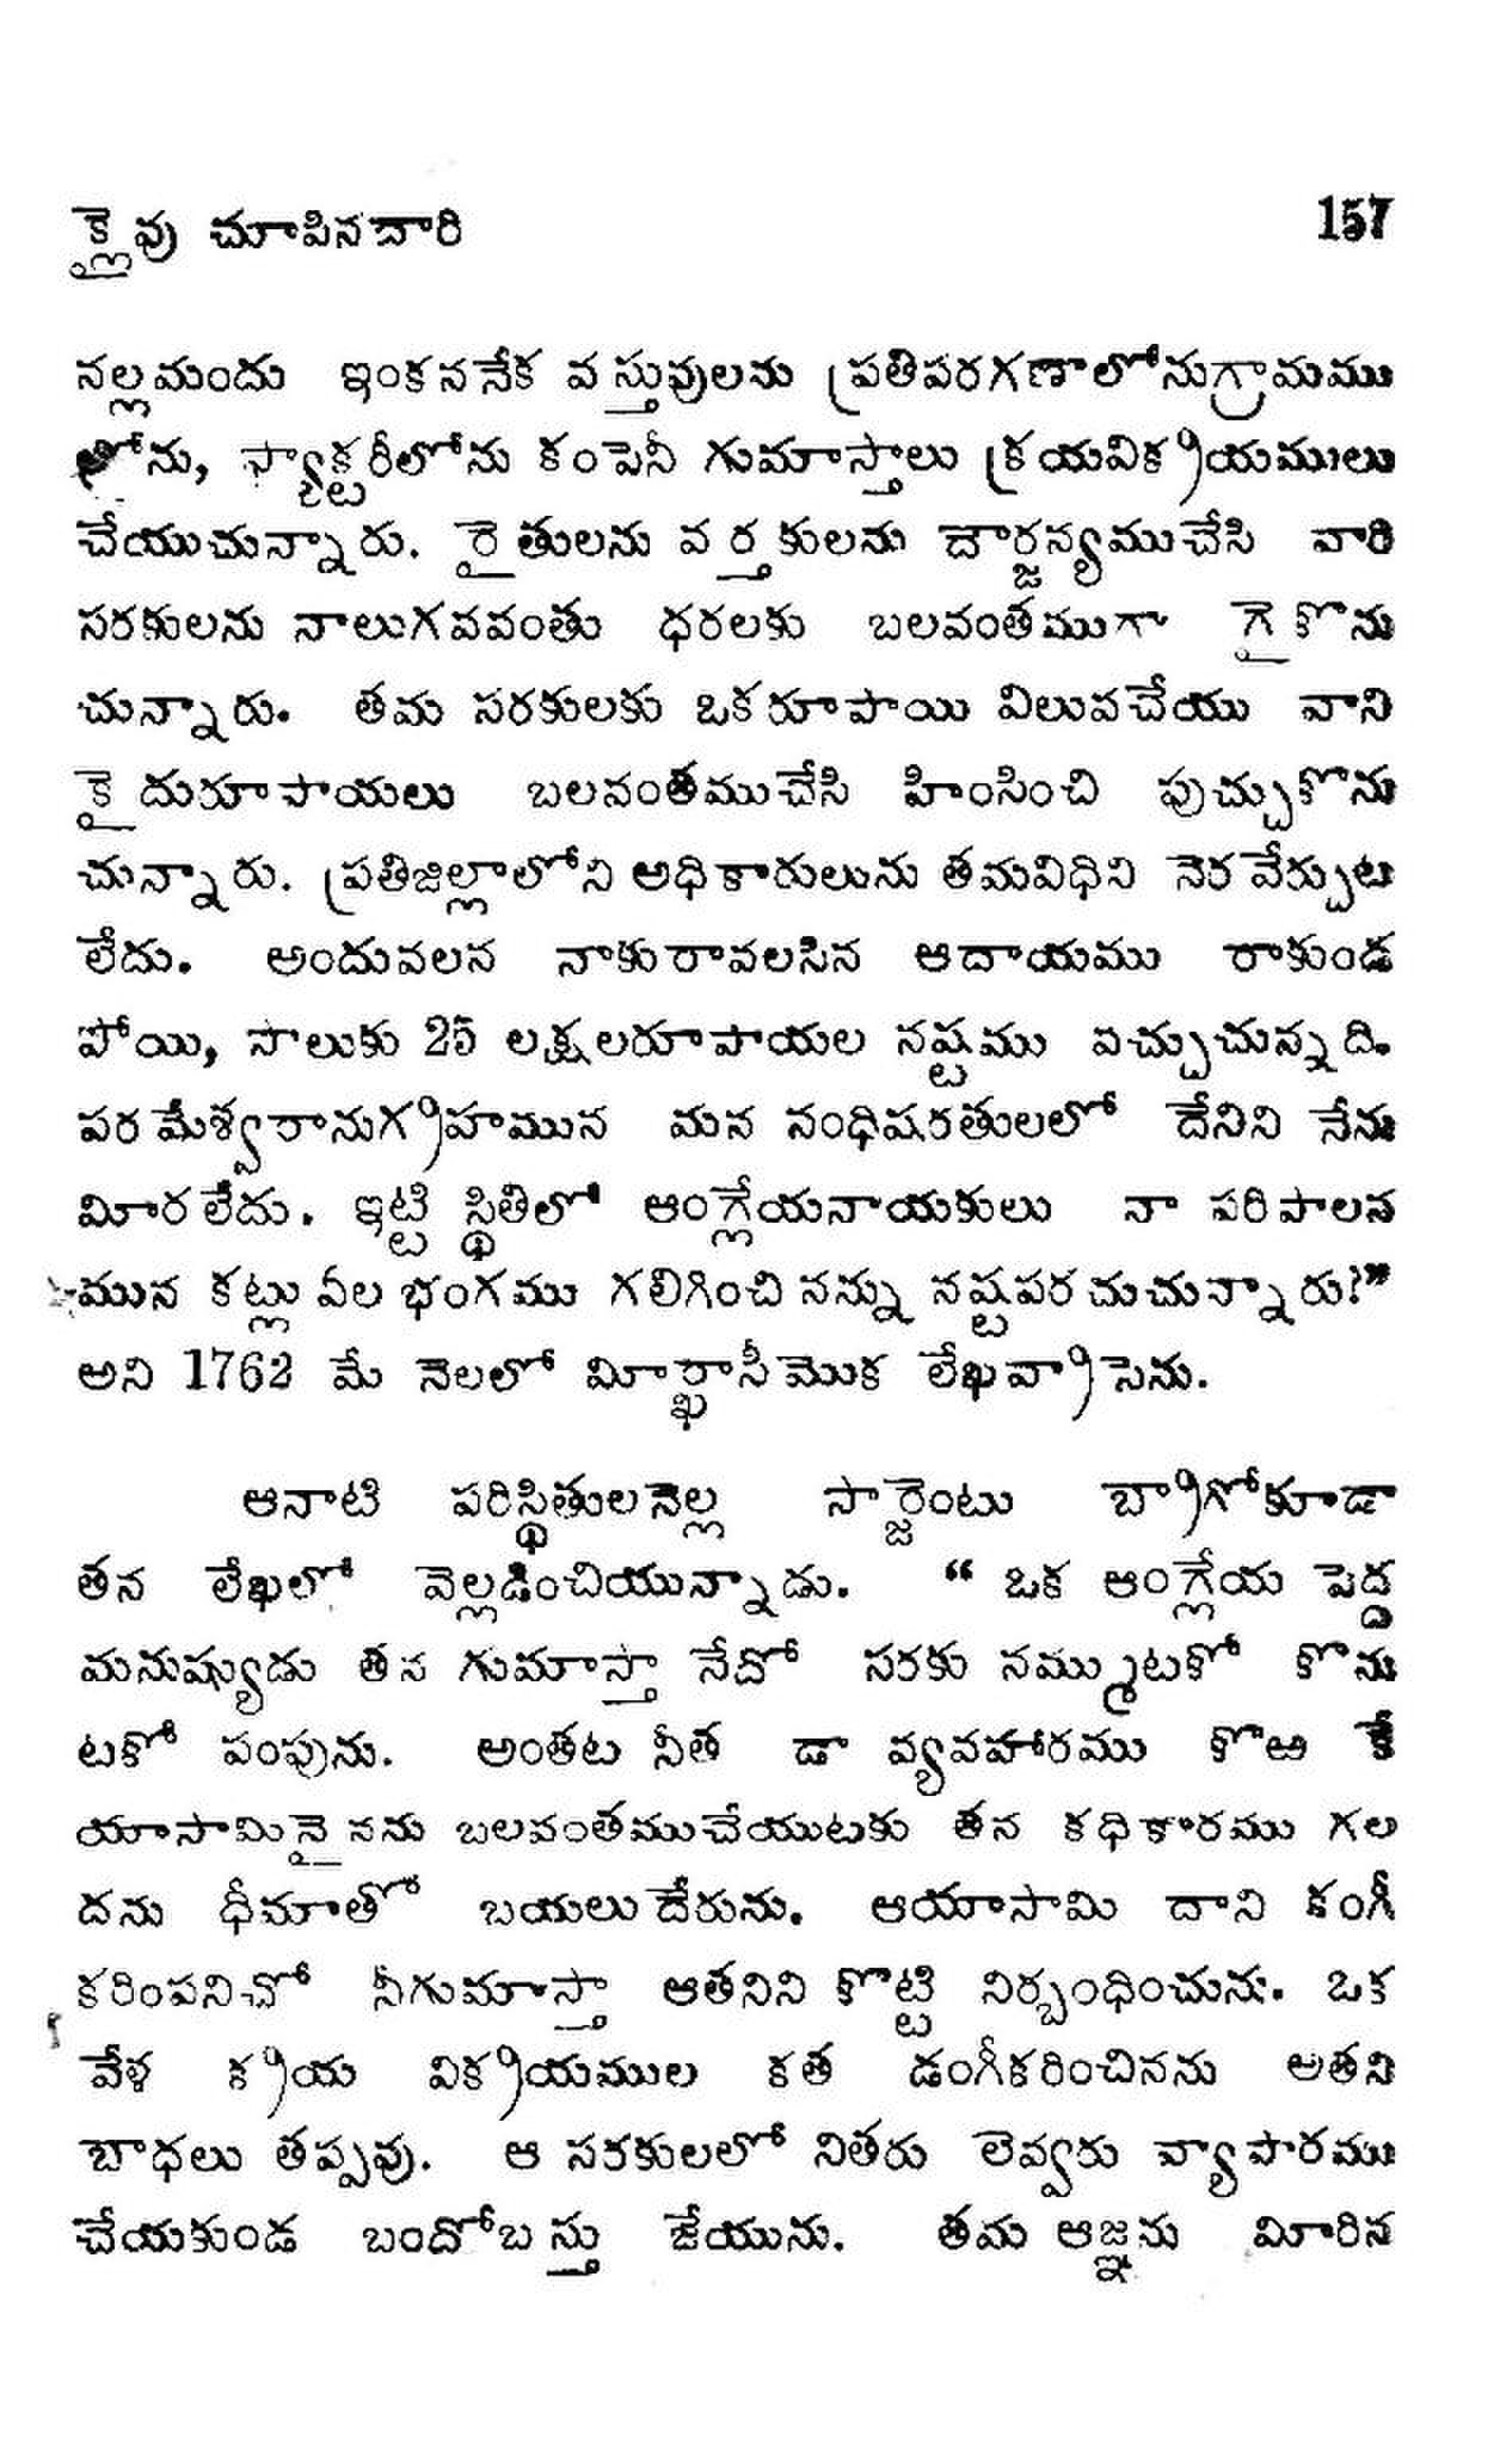నల్లమందు ఇంకననేక వస్తువులను ప్రతి పరగణాలోను గ్రామములోను, ఫ్యాక్టరీలోను కంపెనీ గుమాస్తాలు క్రయవిక్రయములు చేయుచున్నారు. రైతులను వర్తకులను దౌర్జన్యముచేసి వారి సరకులను నాలుగవవంతు ధరలకు బలవంతముగా గైకొనుచున్నారు. తమ సరకులకు ఒక రూపాయి విలువచేయు వాని కైదురూపాయలు బలవంతముచేసి హింసించి పుచ్చుకొనుచున్నారు. ప్రతిజిల్లాలోని అధికారులును తమవిధిని నెరవేర్చుట లేదు. అందువలన నాకు రావలసిన ఆదాయము రాకుండ పోయి, సాలుకు 25 లక్షలరూపాయల నష్టము వచ్చుచున్నది. పరమేశ్వరానుగ్రహమున మన సంధిషరతులలో దేనిని నేను మీరలేదు . ఇట్టి స్థితిలో ఆంగ్లేయనాయకులు నా పరిపాలనమున కట్లు ఏల భంగము గలిగించి నన్ను నష్టపరచుచున్నారు?" అని 1762 మే నెలలో మీర్ఖాసీమొక లేఖవ్రాసెను.

ఆనాటి పరిస్థితులనెల్ల సార్జెంటు బ్రాగోకూడా తన లేఖలో వెల్లడించియున్నాడు. "ఒక ఆంగ్లేయ పెద్ద మనుష్యుడు తన గుమాస్తా నేదో సరకు నమ్ముటకో కొనుటకో పంపును. అంతట నీత డా వ్యవహారము కొఱ కేయాసామినైనను బలవంతముచేయుటకు తన కధికారము గలదను ధీమాతో బయలుదేరును, ఆయాసామి దాని కంగీకరింపనిచో నీగుమాస్తా ఆతనిని కొట్టి నిర్బంధించును. ఒకవేళ క్రయ విక్రయముల కత డంగీకరించినను అతని బాధలు తప్పవు. ఆ సరకులలో నితరు లెవ్వరు వ్యాపారము చేయకుండ బందోబస్తు జేయును. తమ ఆజ్ఞను మీరిన